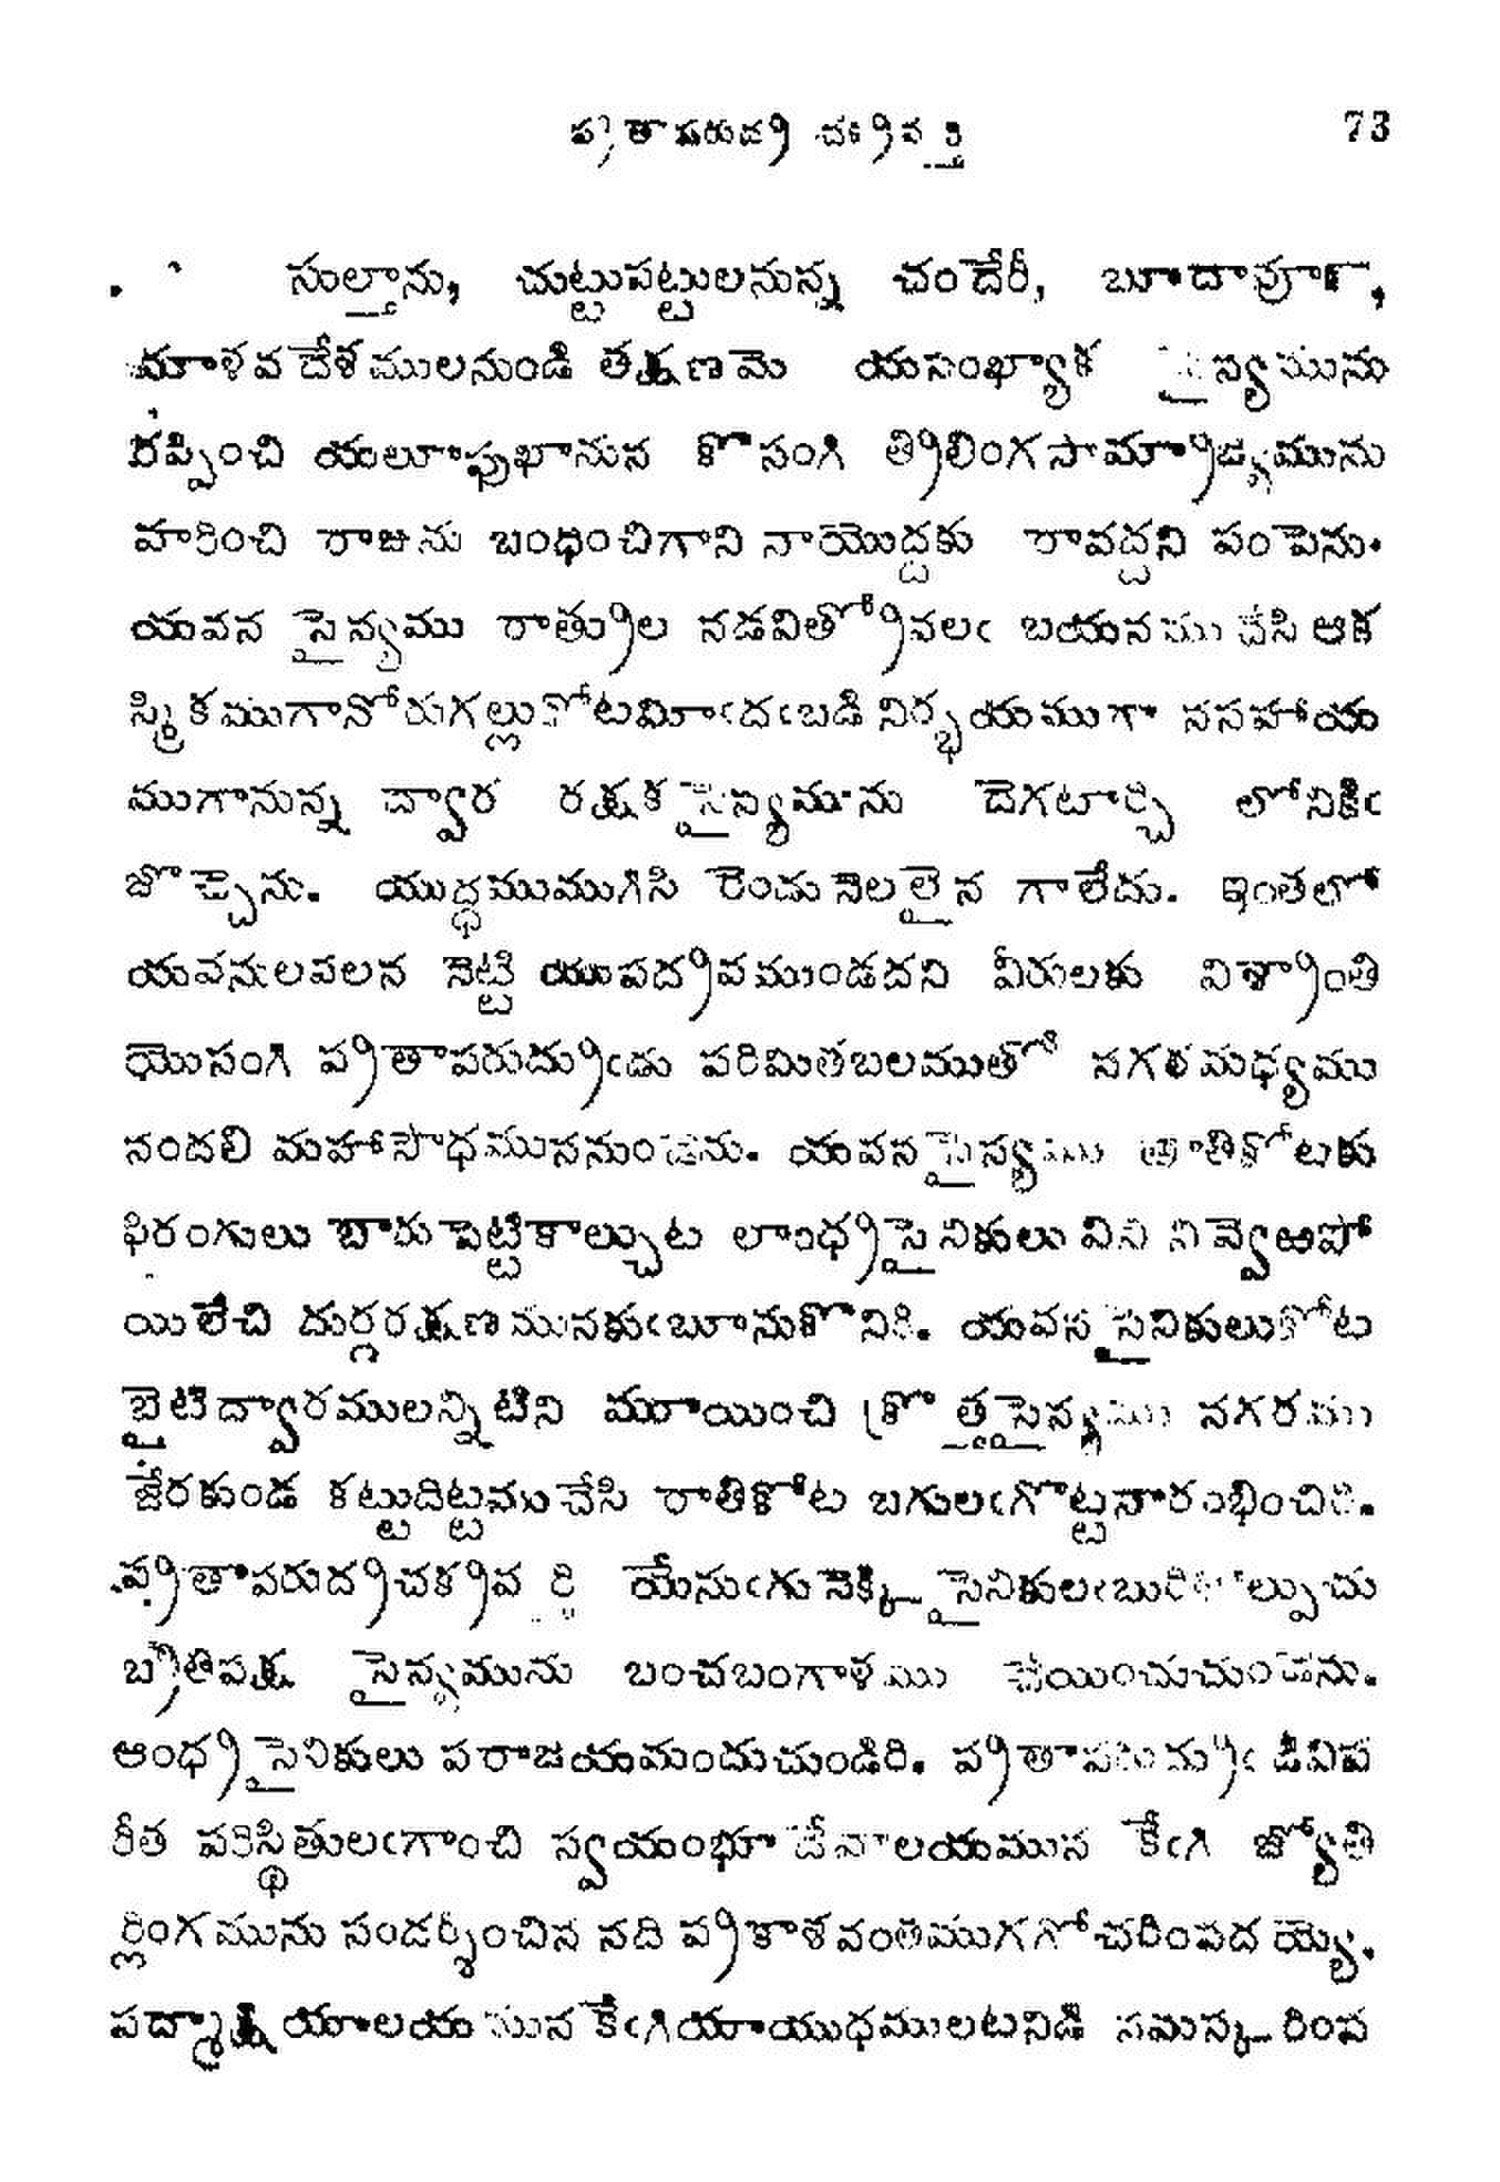సుల్తాను, చుట్టుపట్టులనున్న చందేరీ, బూదావూన్, మాళవదేశములనుండి తక్షణమె యసంఖ్యాక సైన్యమును రప్పించి యలూపుఖానున కొసంగి త్రిలింగసామ్రాజ్యమును హరించి రాజును బంధించిగాని నాయొద్దకు రావద్దని పంపెను. యవన సైన్యము రాత్రుల నడవిత్రోవల బయనము చేసి ఆకస్మికముగా నోరుగల్లుకోటమీదపడి నిర్భయముగా నసహాయముగానున్న ద్వార రక్షకసైన్యమును దెగటార్చి లోనికిజొచ్చెను. యుద్ధముముగిసి రెండునెలలైన గాలేదు. ఇంతలో యవనులవలన నెట్టి యుపద్రవముండదని వీరులకు విశ్రాంతి యొసంగి ప్రతాపరుద్రుడు పరిమితబలముతో నగరమధ్యమునందలి మహాసౌధమున నుండెను. యవనసైన్యము ఱాతికోటకు ఫిరంగులు బారు పెట్టికాల్చుట లాంధ్రసైనికులు విని నివ్వెఱపోయిలేచి దుర్గరక్షణమునకు బూనుకొనిరి. యవన సైనికులుకోట బైటిద్వారములన్నిటిని మూయించి క్రొత్తసైన్యము నగరము జేరకుండ కట్టుదిట్టముచేసి రాతికోట బగులగొట్టనారంభించిరి. ప్రతాపరుద్రచక్రవర్తి యేనుగునెక్కి సైనికుల బురికొల్పుచు బ్రతిపక్ష సైన్యమును బంచబంగాళము చేయించుచుండెను. ఆంధ్రసైనికులు పరాజయమందుచుండిరి. ప్రతాపరుద్రు డీవిపరీత పరిస్థితులగాంచి స్వయంభూ దేవాలయమున కేగి జ్యోతిర్లింగమును సందర్శించిన నది ప్రకాశవంతముగ గోచరింపదయ్యె. పద్మాక్షియాలయమునకేగి యాయుధములటనిడి నమస్కరింప